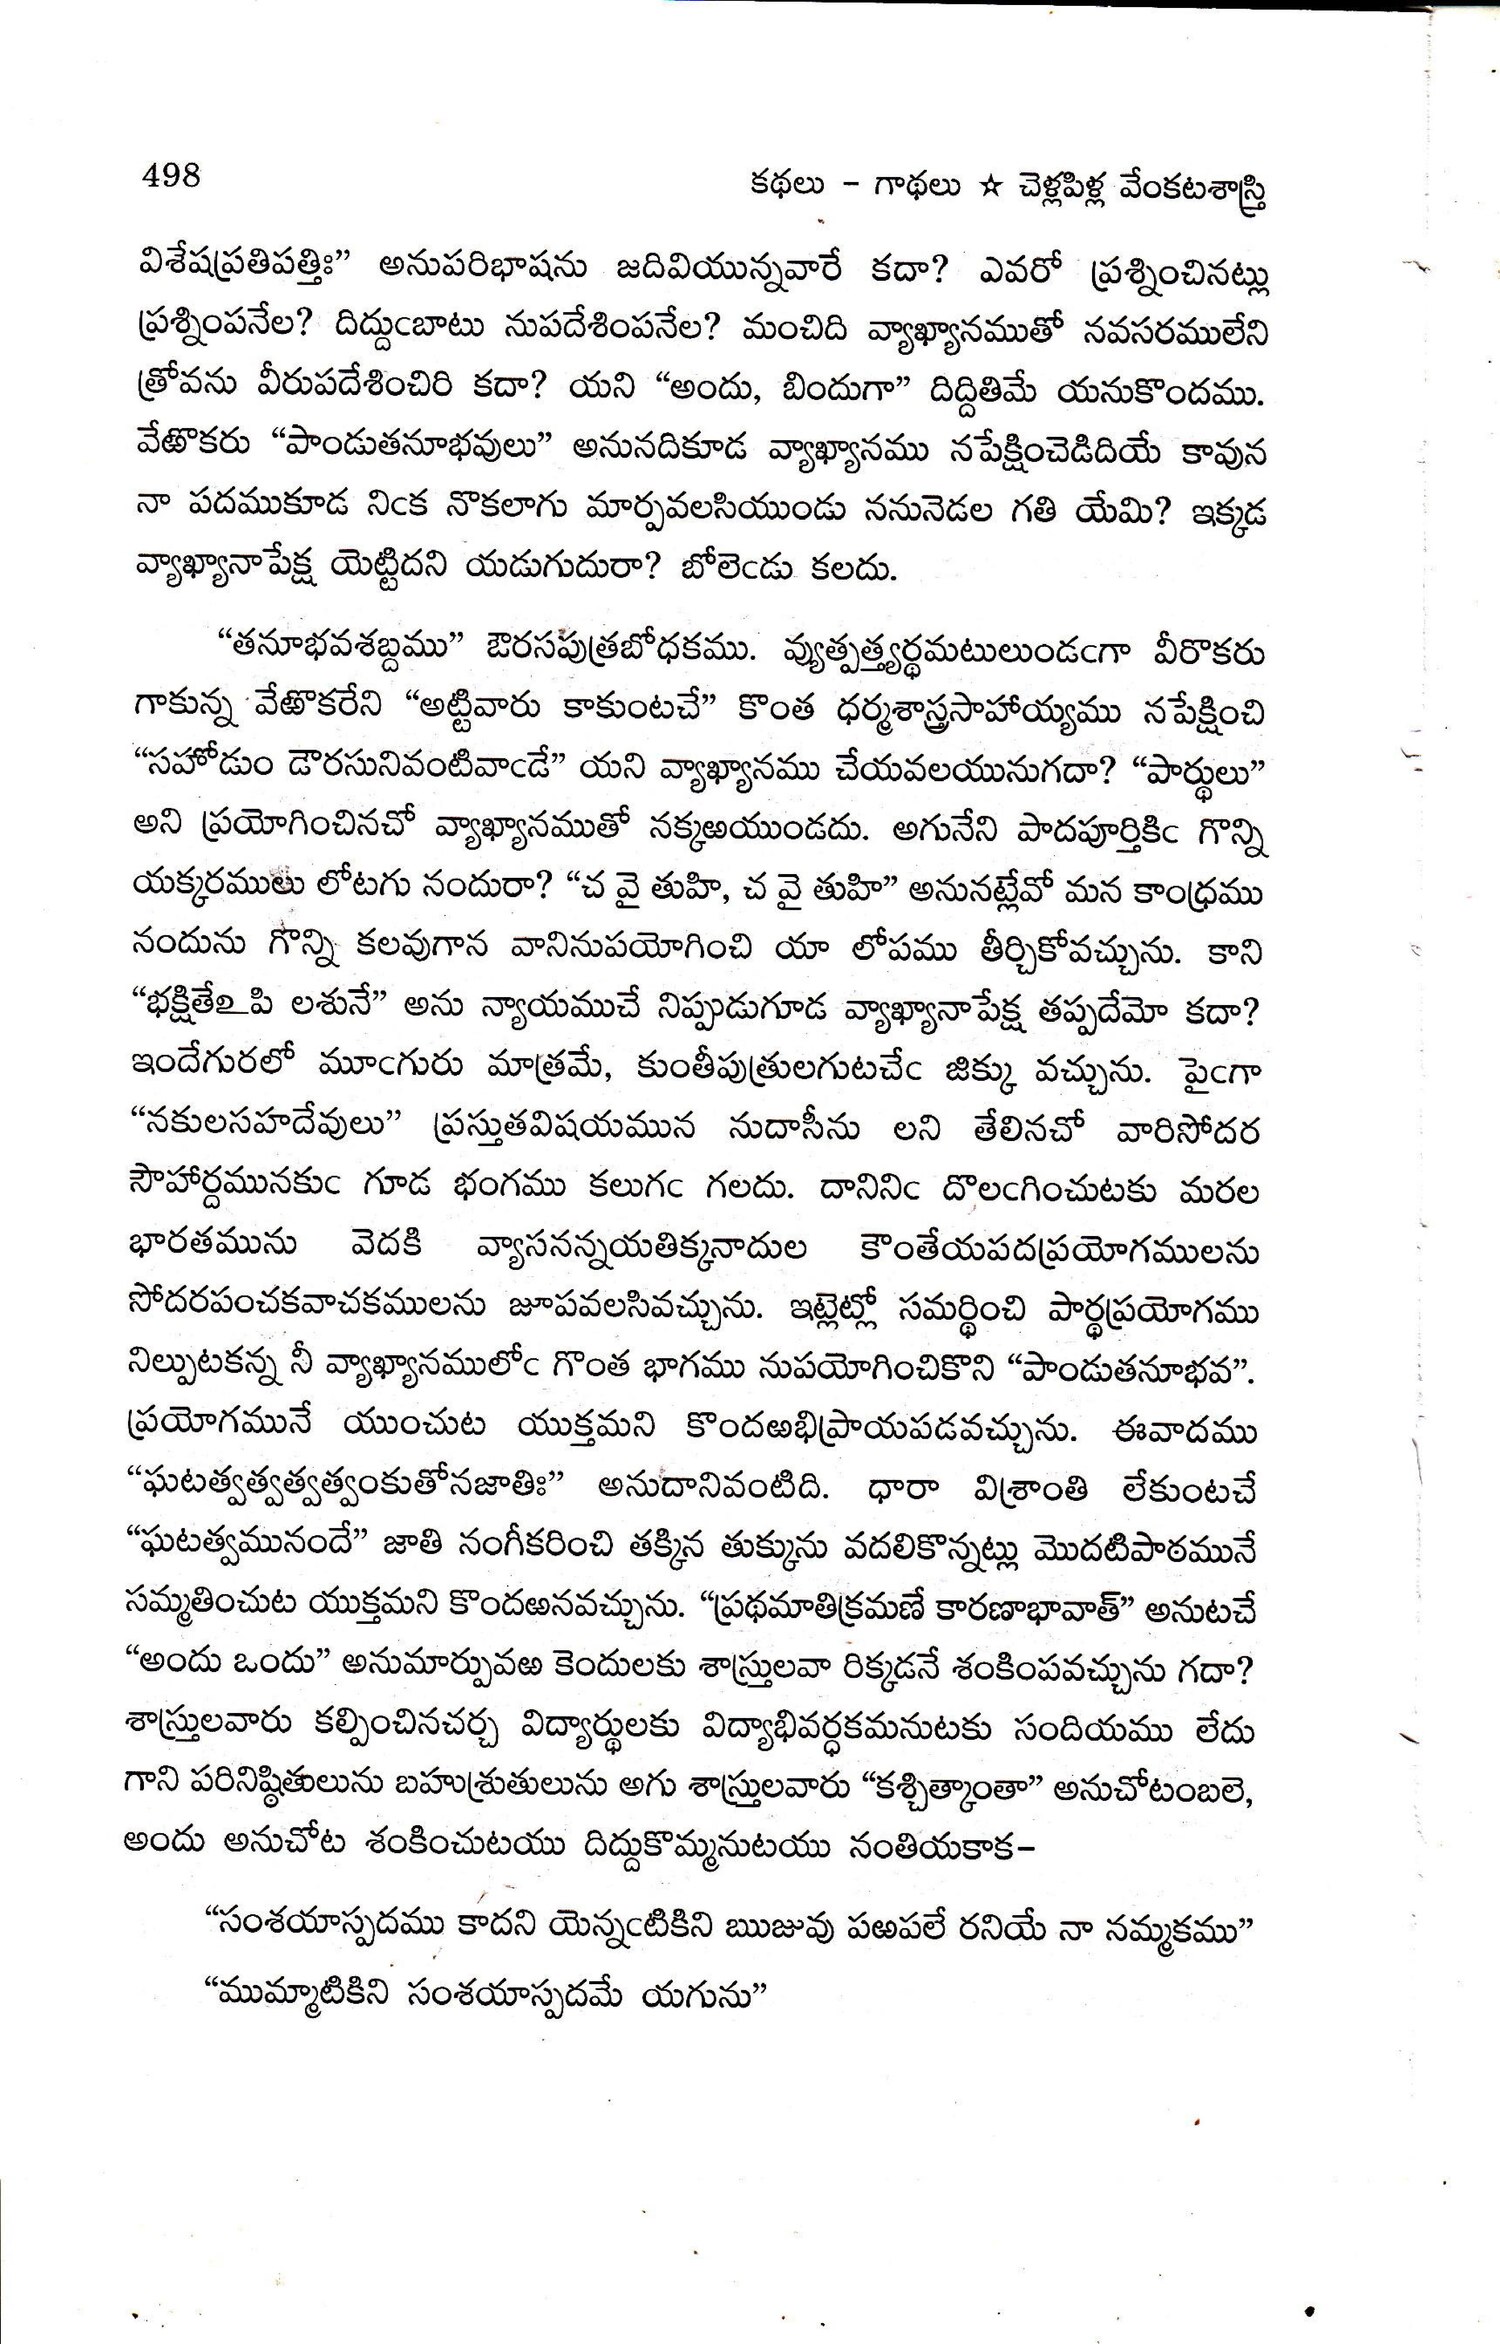విశేషప్రతిపత్తిః" అనుపరిభాషను జదివియున్నవారే కదా? ఎవరో ప్రశ్నించినట్లు ప్రశ్నింపనేల? దిద్దుఁబాటు నుపదేశింపనేల? మంచిది వ్యాఖ్యానముతో నవసరములేని త్రోవను వీరుపదేశించిరి కదా? యని “అందు, బిందుగా" దిద్దితిమే యనుకొందము. వేఱొకరు “పాండుతనూభవులు” అనునదికూడ వ్యాఖ్యానము నపేక్షించెడిదియే కావున నా పదముకూడ నిఁక నొకలాగు మార్చవలసియుండు ననునెడల గతి యేమి? ఇక్కడ వ్యాఖ్యానాపేక్ష యెట్టిదని యడుగుదురా? బోలెఁడు కలదు.

“తనూభవశబ్దము" ఔరసపుత్రబోధకము. వ్యత్పత్త్యర్ధమటులుండఁగా వీరొకరు గాకున్న వేఱొకరేని "అట్టివారు కాకుంటచే" కొంత ధర్మశాస్త్రసాహాయ్యము నపేక్షించి "సహోడుం డౌరసునివంటివాఁడే" యని వ్యాఖ్యానము చేయవలయునుగదా? "పార్థులు” అని ప్రయోగించినచో వ్యాఖ్యానముతో నక్కఱయుండదు. అగునేని పాదపూర్తికిఁ గొన్ని యక్కరములు లోటగు నందురా? “చ వై తుహి, చ వై తుహి” అనునట్లేవో మన కాంధ్రము నందును గొన్ని కలవుగాన వానినుపయోగించి యా లోపము తీర్చికోవచ్చును. కాని “భక్షితే౽పి లశునే" అను న్యాయముచే నిప్పుడుగూడ వ్యాఖ్యానాపేక్ష తప్పదేమో కదా? ఇందేగురలో మూఁగురు మాత్రమే, కుంతీపుత్రులగుటచేఁ జిక్కు వచ్చును. పైఁగా “నకులసహదేవులు” ప్రస్తుతవిషయమున నుదాసీను లని తేలినచో వారిసోదర సౌహార్దమునకుఁ గూడ భంగము కలుగఁ గలదు. దానినిఁ దొలఁగించుటకు మరల భారతమును వెదకి వ్యాసనన్నయతిక్కనాదుల కౌంతేయపదప్రయోగములను సోదరపంచకవాచకములను జూపవలసివచ్చును. ఇట్లెట్లో సమర్ధించి పార్ధప్రయోగము నిల్పుటకన్న నీ వ్యాఖ్యానములోఁ గొంత భాగము నుపయోగించికొని “పాండుతనూభవ". ప్రయోగమునే యుంచుట యుక్తమని కొందఱభిప్రాయపడవచ్చును. ఈవాదము “ఘటత్వత్వత్వత్వంకుతోనజాతిః" అనుదానివంటిది. ధారా విశ్రాంతి లేకుంటచే “ఘటత్వమునందే" జాతి నంగీకరించి తక్కిన తుక్కును వదలికొన్నట్లు మొదటిపాఠమునే సమ్మతించుట యుక్తమని కొందఱనవచ్చును. “ప్రథమాతిక్రమణే కారణాభావాత్” అనుటచే “అందు ఒందు” అనుమార్పువఱ కెందులకు శాస్త్రులవా రిక్కడనే శంకింపవచ్చును గదా? శాస్త్రులవారు కల్పించినచర్చ విద్యార్థులకు విద్యాభివర్ధకమనుటకు సందియము లేదు గాని పరినిష్ఠితులును బహుశ్రుతులును అగు శాస్త్రులవారు “కశ్చిత్కాంతా” అనుచోటంబలె, అందు అనుచోట శంకించుటయు దిద్దుకొమ్మనుటయు నంతియుకాక

"సంశయాస్పదము కాదని యెన్నఁటికిని ఋజువు పఱపలేరనియే నా నమ్మకము" "ముమ్మాటికిని సంశయాస్పదమే యగును"
`.